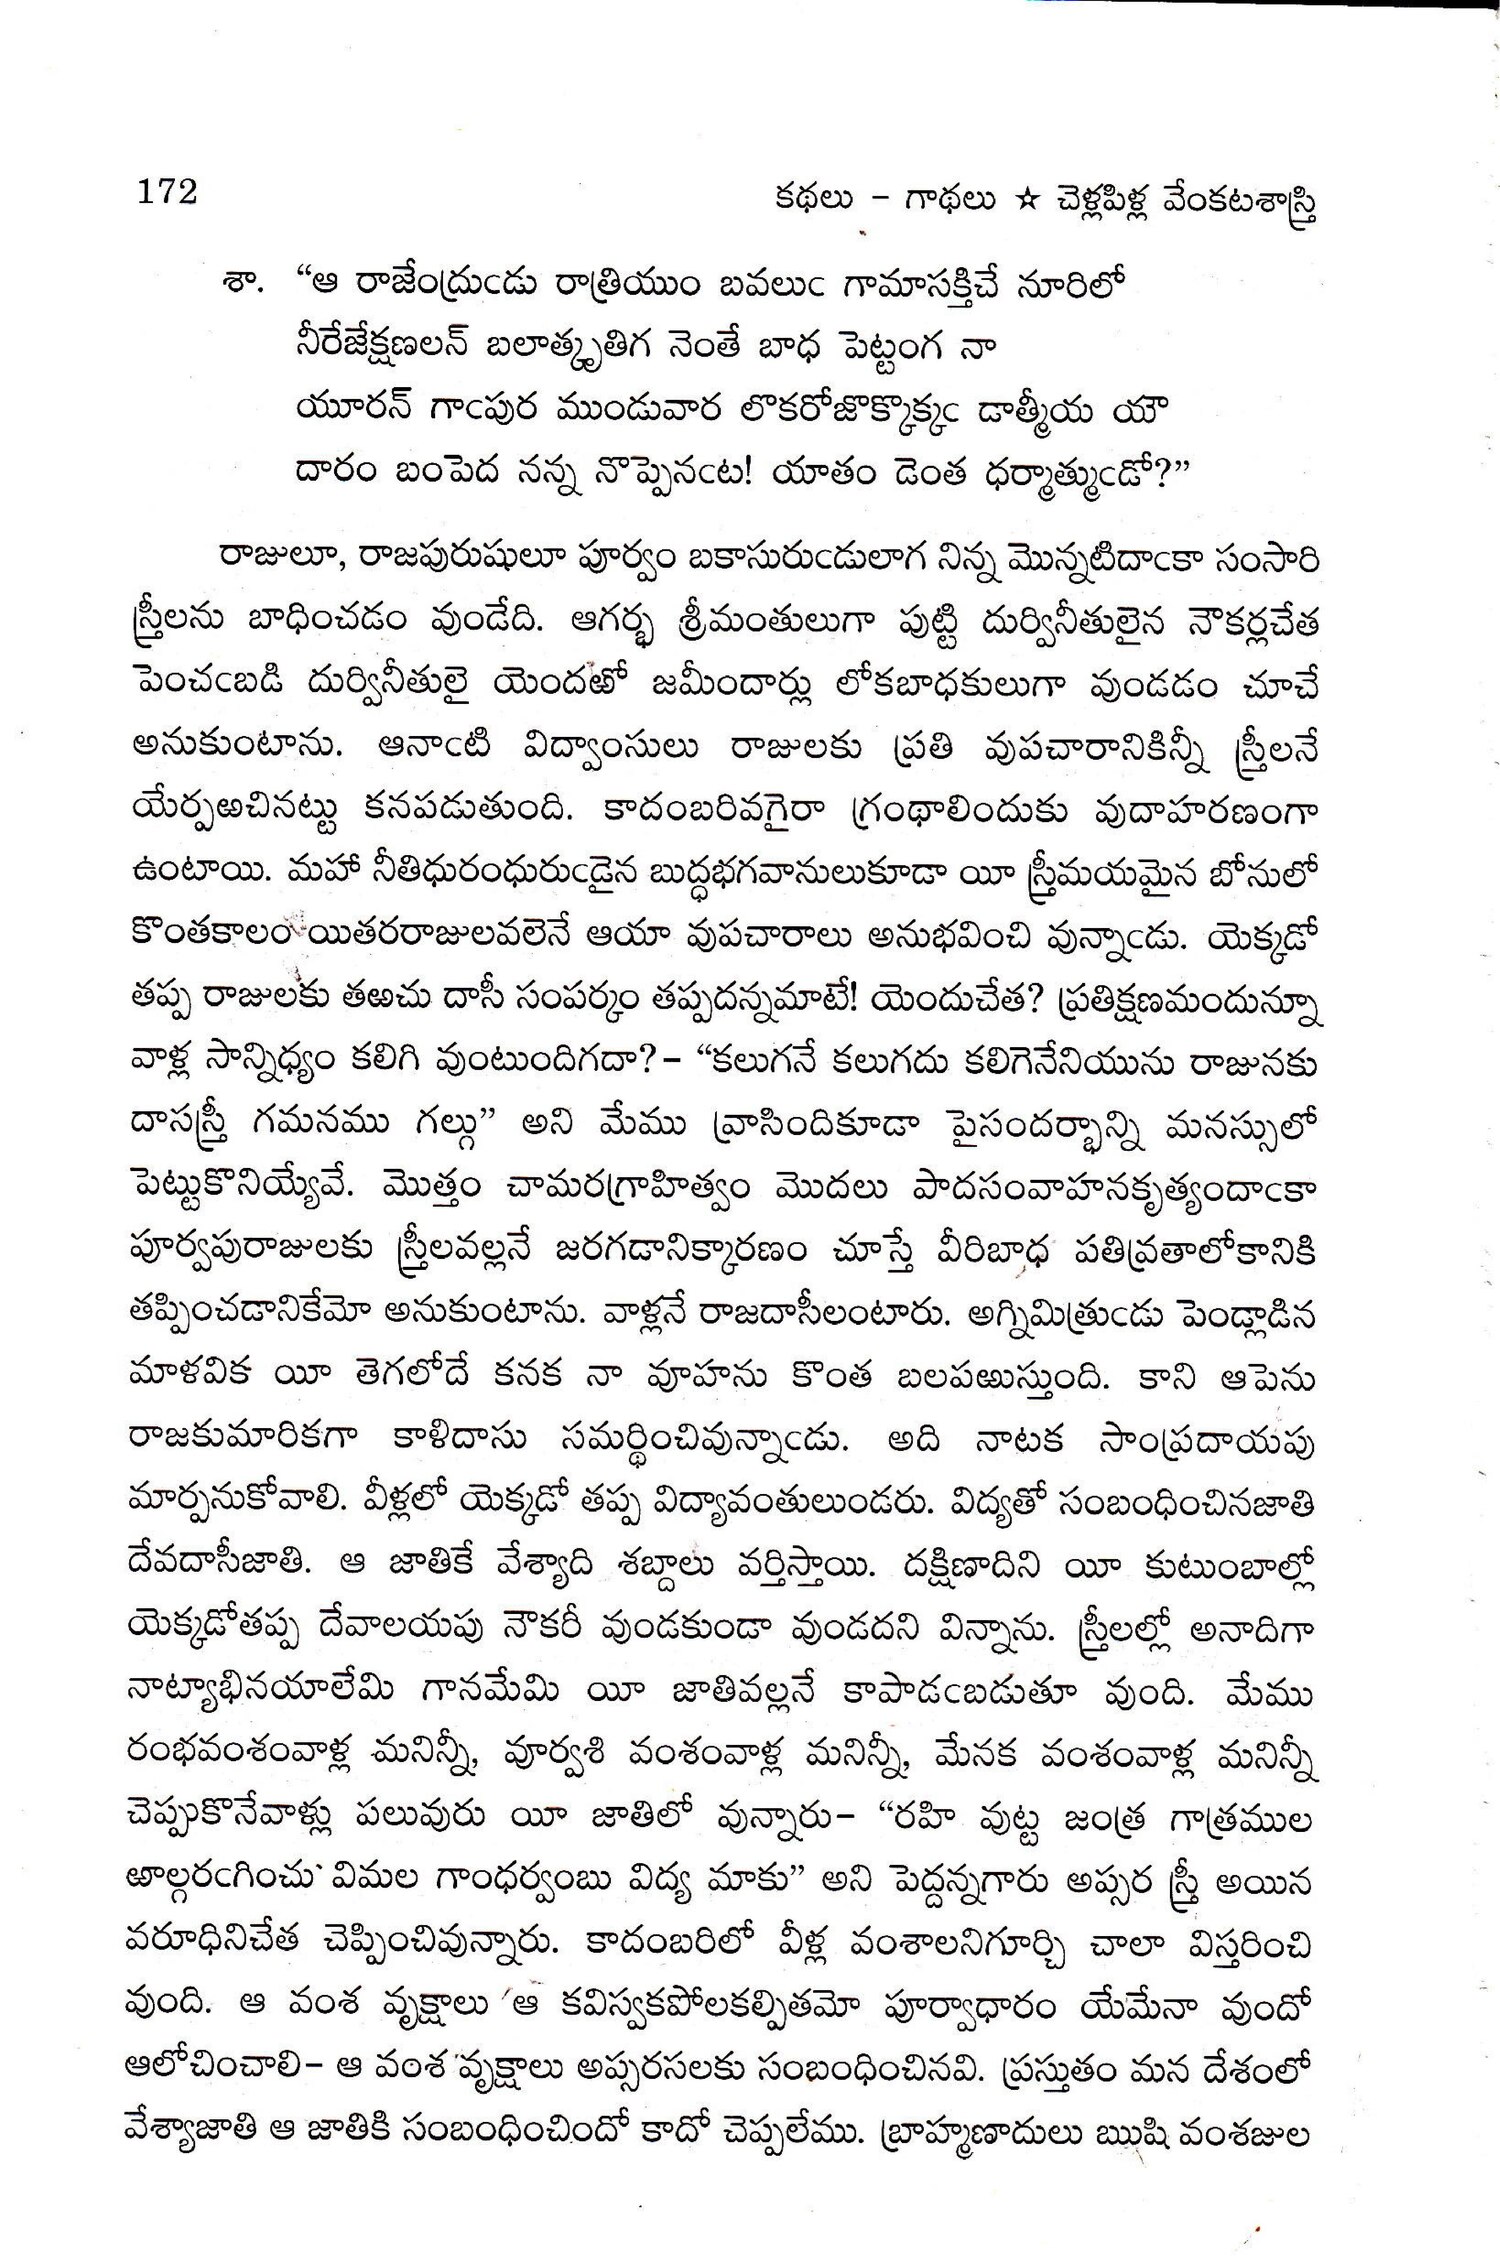శా. “ఆ రాజేంద్రుఁడు రాత్రియుం బవలుఁ గామాసక్తిచే నూరిలో
 నీరేజేక్షణలన్ బలాత్కృతిగ నెంతే బాధ పెట్టంగ నా 
 యూరన్ గాఁపుర ముండువార లొకరోజొక్కొకఁ డాత్మీయ యౌ 
 దారం బంపెద నన్న నొప్పెనఁట! యాతం డెంత ధర్మాత్ముండో?"
రాజులూ, రాజపురుషులూ పూర్వం బకాసురుఁడులాగ నిన్న మొన్నటిదాఁకా సంసారి స్త్రీలను బాధించడం వుండేది. ఆగర్భ శ్రీమంతులుగా పుట్టి దుర్వినీతులైన నౌకర్లచేత పెంచఁబడి దుర్వినీతులై యెందఱో జమీందార్లు లోకబాధకులుగా వుండడం చూచే అనుకుంటాను. ఆనాఁటి విద్వాంసులు రాజులకు ప్రతి వుపచారానికిన్నీ స్త్రీలనే యేర్పఱచినట్టు కనపడుతుంది. కాదంబరివగైరా గ్రంథాలిందుకు వుదాహరణంగా ఉంటాయి. మహా నీతిధురంధురుఁడైన బుద్ధభగవానులుకూడా యీ స్త్రీమయమైన బోనులో కొంతకాలం యితరరాజులవలెనే ఆయా వుపచారాలు అనుభవించి వున్నాఁడు. యొక్కడో తప్ప రాజులకు తఱచు దాసీ సంపర్కం తప్పదన్నమాటే! యెందుచేత? ప్రతిక్షణమందున్నూ వాళ్ల సాన్నిధ్యం కలిగి వుంటుందిగదా?- “కలుగనే కలుగదు కలిగెనేనియును రాజునకు దాసస్త్రీ గమనము గల్గు" అని మేము వ్రాసిందికూడా పైసందర్భాన్ని మనస్సులో పెట్టుకొనియ్యేవే. మొత్తం చామరగ్రాహిత్వం మొదలు పాదసంవాహనకృత్యందాఁకా పూర్వపురాజులకు స్త్రీలవల్లనే జరగడానిక్కారణం చూస్తే వీరిబాధ పతివ్రతాలోకానికి తప్పించడానికేమో అనుకుంటాను. వాళ్లనే రాజదాసీలంటారు. అగ్నిమిత్రుఁడు పెండ్లాడిన మాళవిక యీ తెగలోదే కనక నా వూహను కొంత బలపఱుస్తుంది. కాని ఆపెను రాజకుమారికగా కాళిదాసు సమర్ధించివున్నాఁడు. అది నాటక సాంప్రదాయపు మార్చనుకోవాలి. వీళ్లలో యెక్కడో తప్ప విద్యావంతులుండరు. విద్యతో సంబంధించినజాతి దేవదాసీజాతి. ఆ జాతికే వేశ్యాది శబ్దాలు వర్తిస్తాయి. దక్షిణాదిని యీ కుటుంబాల్లో యెక్కడోతప్ప దేవాలయపు నౌకరీ వుండకుండా వుండదని విన్నాను. స్త్రీలల్లో అనాదిగా నాట్యాభినయాలేమి గానమేమి యీ జాతివల్లనే కాపాడఁబడుతూ వుంది. మేము రంభవంశంవాళ్ల మనిన్నీ వూర్వశి వంశంవాళ్ల మనిన్నీ మేనక వంశంవాళ్ల మనిన్నీ చెప్పుకొనేవాళ్లు పలువురు యీ జాతిలో వున్నారు– “రహి వుట్ట జంత్ర గాత్రముల ఱాల్గరఁగించు విమల గాంధర్వంబు విద్య మాకు” అని పెద్దన్నగారు అప్సర స్త్రీ అయిన వరూధినిచేత చెప్పించివున్నారు. కాదంబరిలో వీళ్ల వంశాలనిగూర్చి చాలా విస్తరించి వుంది. ఆ వంశ వృక్షాలు ‘ఆ కవిస్వకపోలకల్పితమో పూర్వాధారం యేమేనా వుందో ఆలోచించాలి- ఆ వంశ వృక్షాలు అప్సరసలకు సంబంధించినవి. ప్రస్తుతం మన దేశంలో వేశ్యాజాతి ఆ జాతికి సంబంధించిందో కాదో చెప్పలేము. బ్రాహ్మణాదులు ఋషి వంశజుల